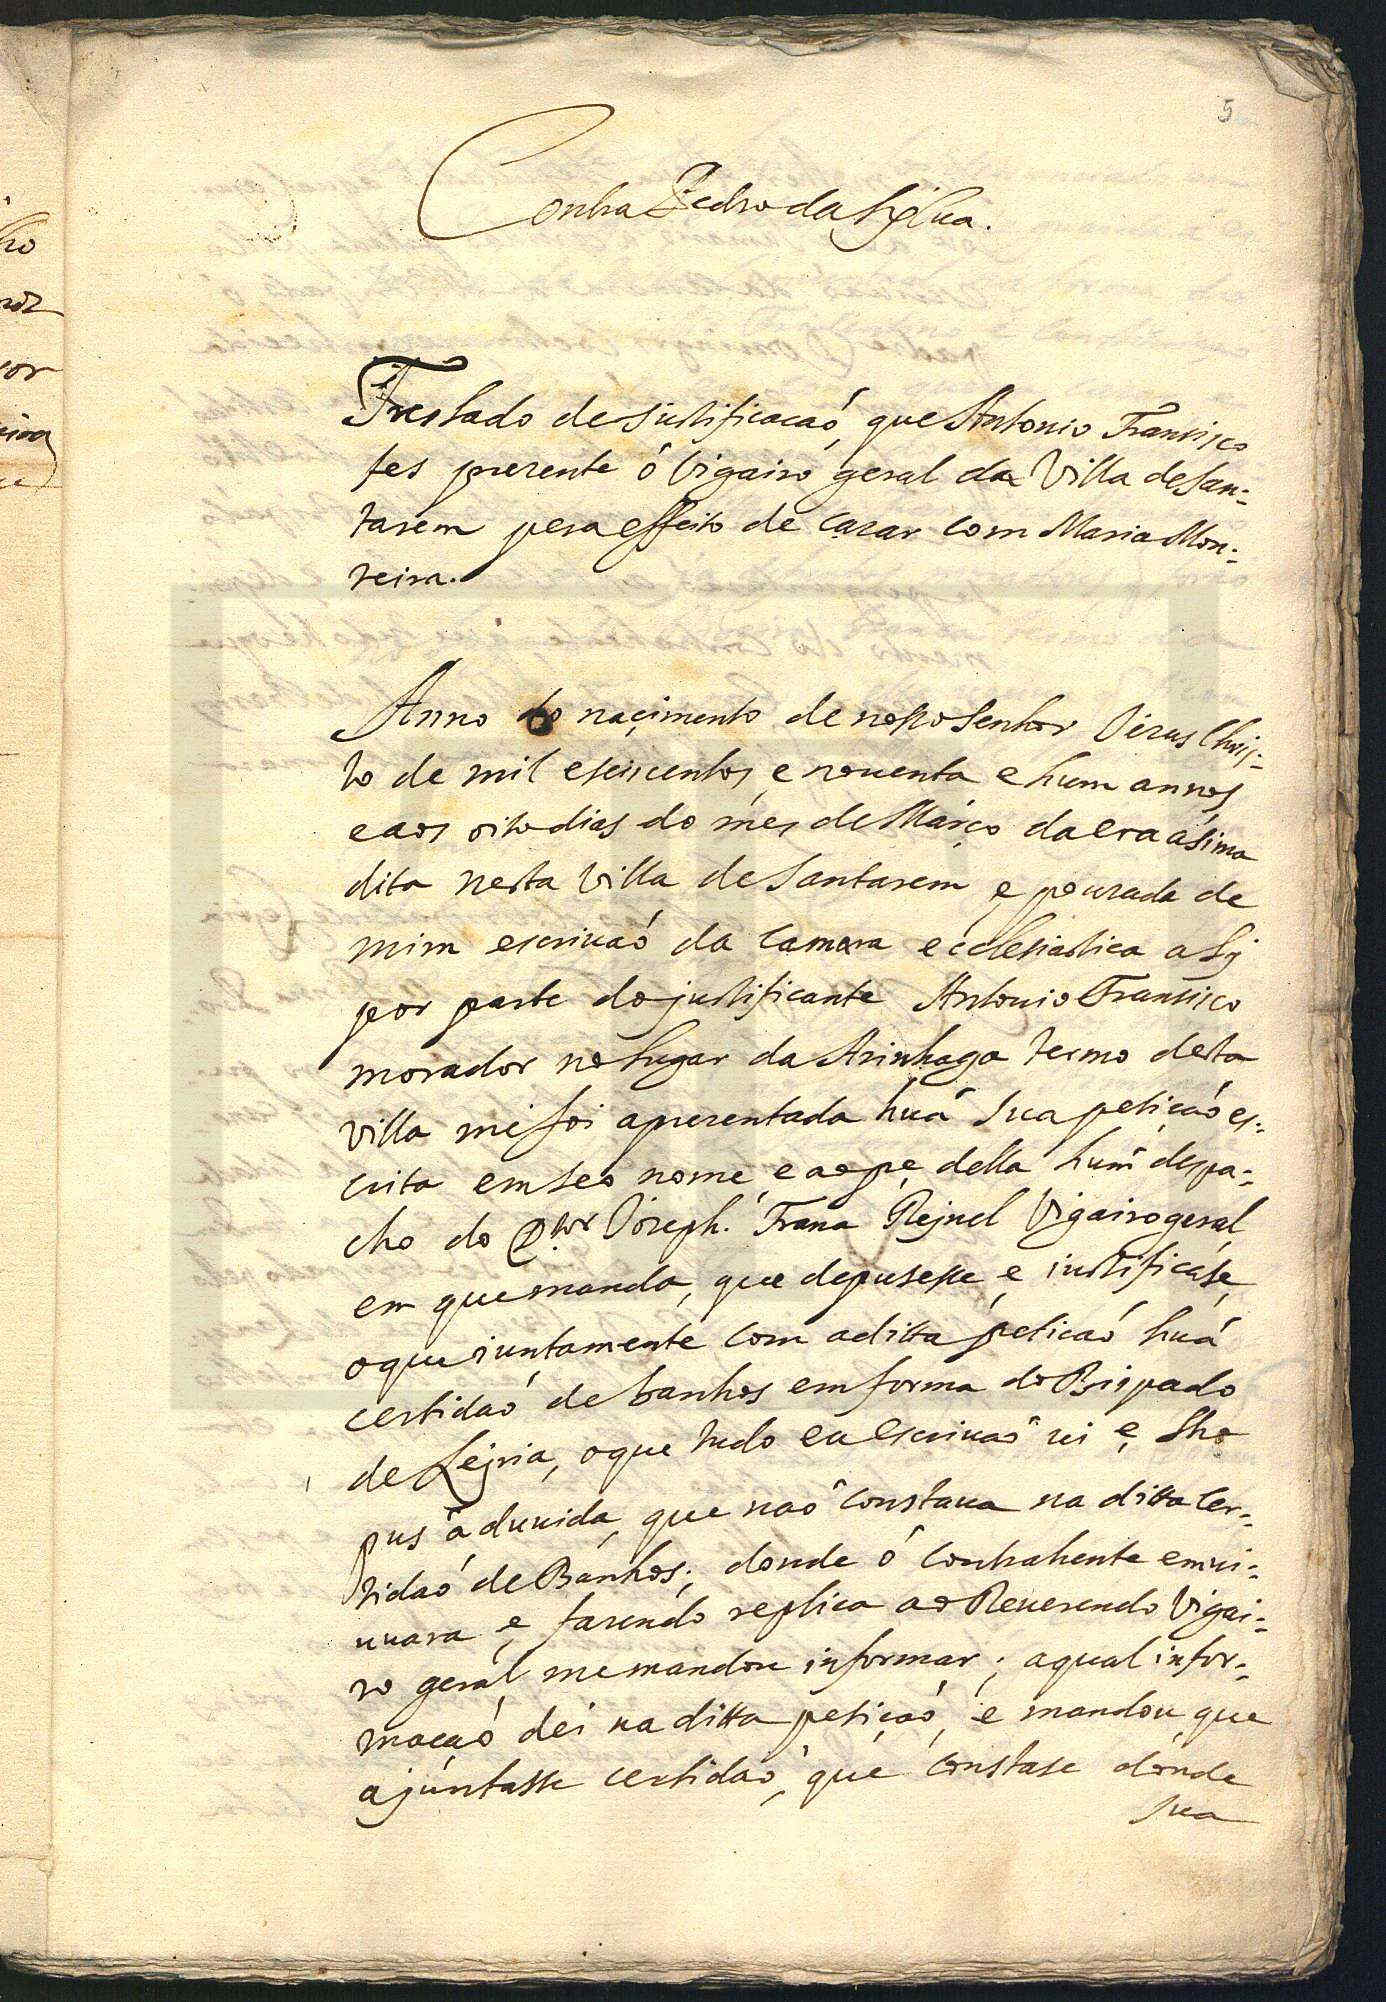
Contra Pedro da Sylua
Treslado de justificacaõ, que Antonio Francisco
fes prezente ó vigairo geral da Villa de San
tarem pera effeito de cazar com Maria Mon
teira.
Anno do naçimento de nosso senhor Jesus Chris
to de mil e seiscentos, e nouenta, e hum annos,
e aos oito dias do mes de Março da era asima
dita nesta villa de Santarem e pouzada de
mim escriuaõ da Camara ecclesiastica aLy
por parte do justificante Antonio Francisco
morador no lugar da Azinhaga termo desta
villa me foi aprezentada huā sua petiçaõ es
crita em seo nome, e ao pe della hum̄ despa
cho do D.tor Jozeph Trana Rejnel Vigairo geral,
em que manda, que depusesse, e iustificase,
o que iuntamente com a ditta peticaõ huā
certidaõ de banhos em forma do Bispado
de Leiria, o que tudo eu escriuaõ ui, e lhe
pus ā duuida, que naõ constaua na ditta cer
tidaõ de Banhos, donde ó contrahente emui
uuara, e fazendo replica ao Reuerendo Vigai
ro geral me mandou informar; a qual infor
maçaõ dei na ditta petiçaõ, e mandou, que
ajuntasse certidaõ, que constase donde
sua
